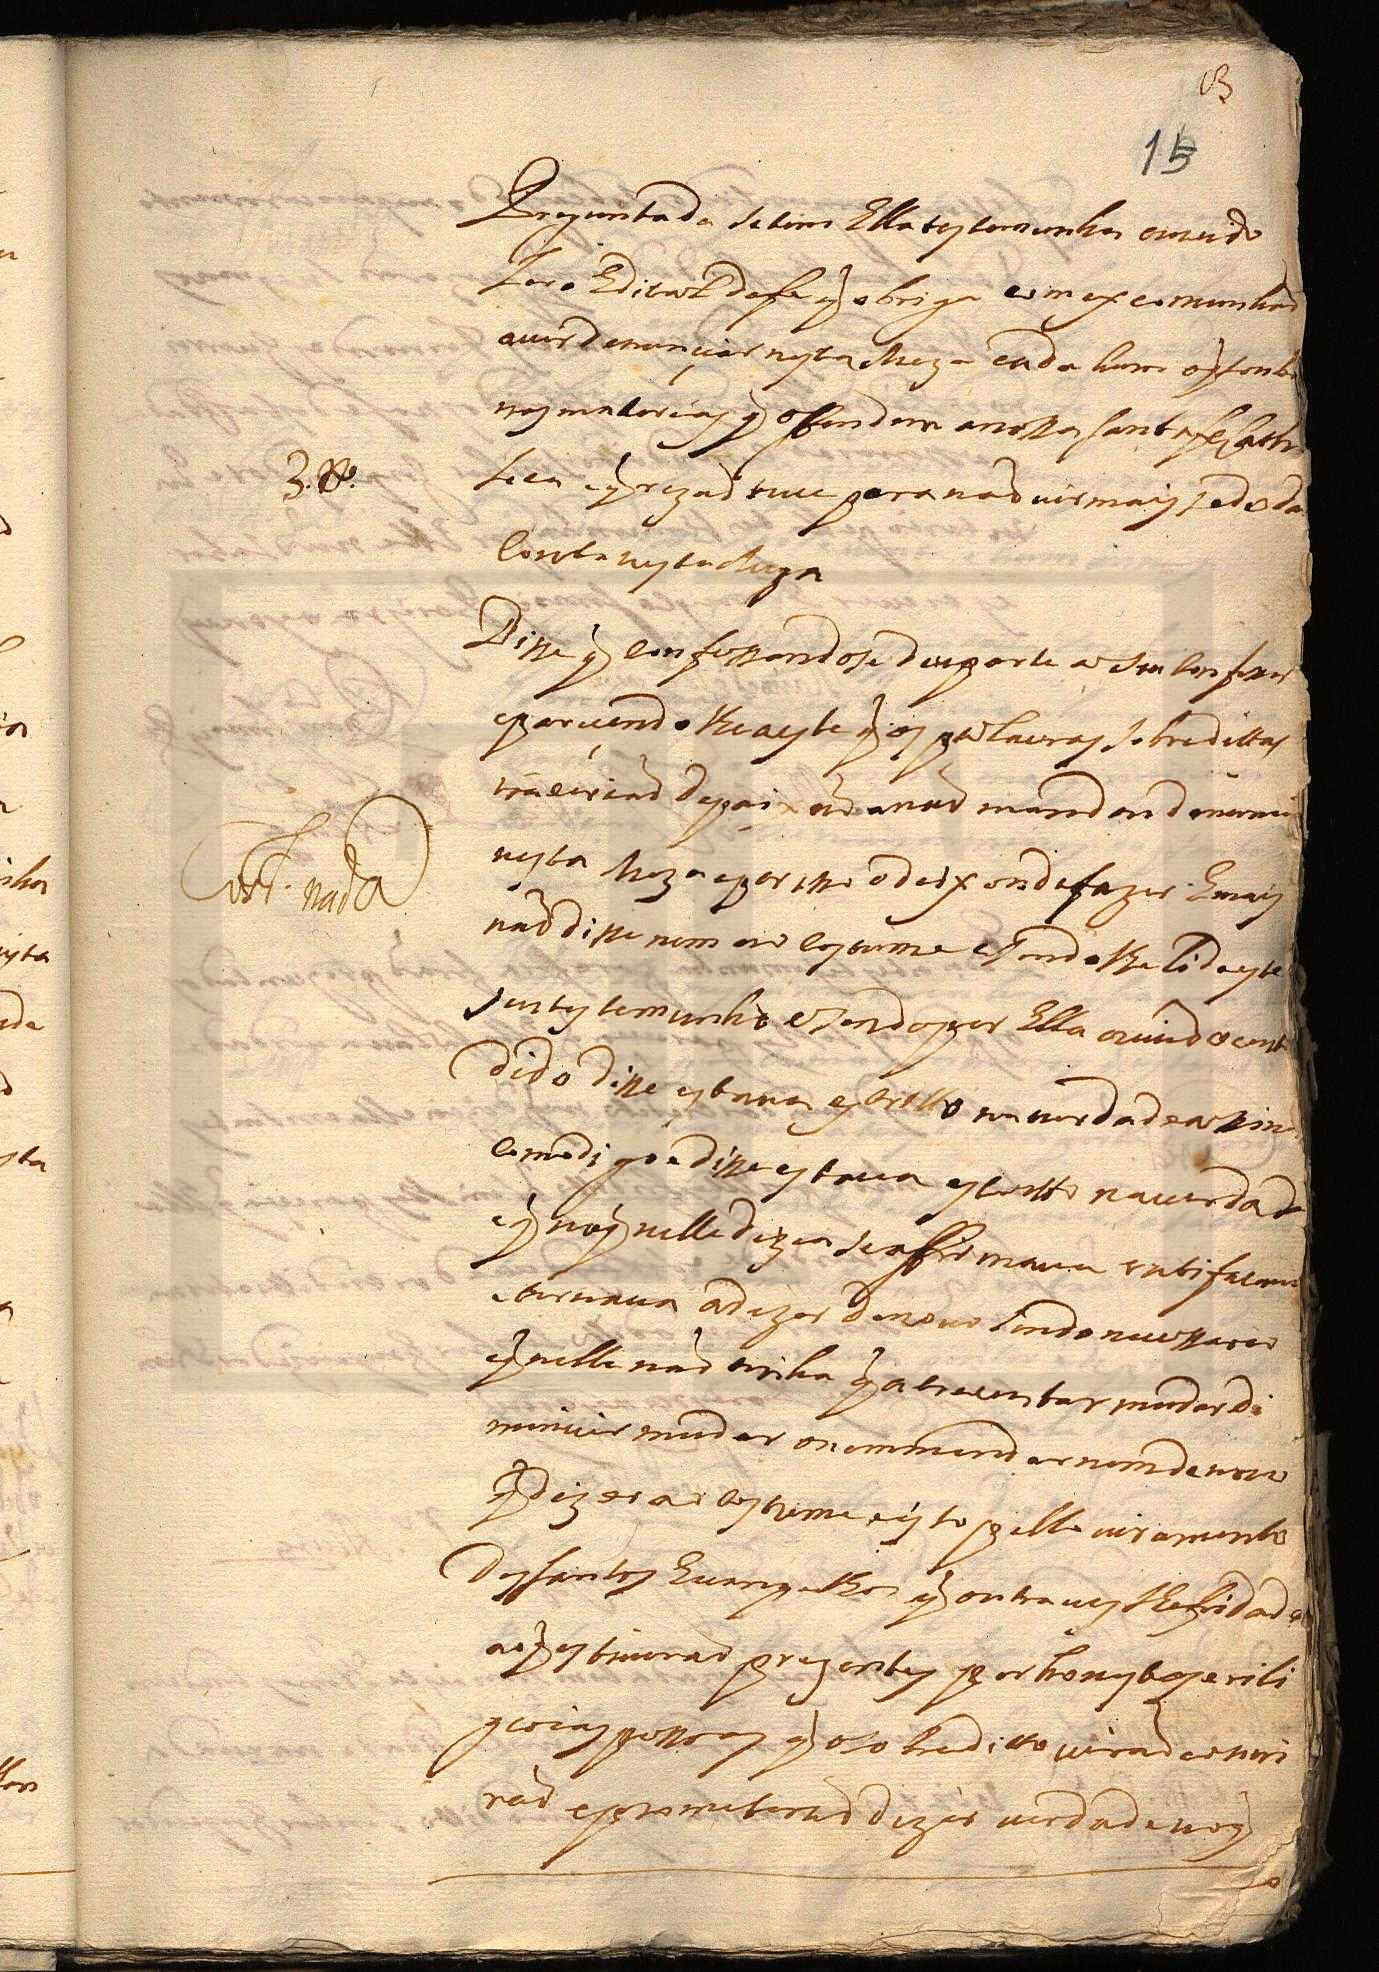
Preguntada se tem Ella testemunha ouuido
Ler o Edital de fe q̄ obriga com excomunhaõ
a uir denunciar nesta Meza cada hum o q̄ soub
nas materias q̄ offendem a nossa santa fe Catho
Lica e q̄ rezaõ teue pera naõ uir mais sedo da
3. tto.
conta nesta Meza
Disse q̄ confessandose deu parte ao seu confessor
e parecendolhe a este q̄ as palauras sobredittas
erã e criaõ de paixaõ a não mandou denunci
nesta Meza e por isso o deixou de fazer. E mais
Cost. nada
naõ disse nem no costume e sendolhe lida este
seu testemunho e sendo por Ella ouuido e en
dido disse estaua escritto na uerdade assin
como digo e disse estaua escritto na uerdade
e q̄ no q̄ nelle dizia se affirmaua ratificaua
e tornaua a dizer de nouo sendo necessario
e q̄ nelle naõ tinha q̄ acrecentar mudar di
minuir mudar ou emmendar nem de nouo
q̄ dizer ao costume e isto pello iuramento
dos santos Euangelhos q̄ outra ues lhe foi dado
ao q̄ estiueraõ prezentes por honestas e rili
giozas pessoas q̄ o sobreditto uiraõ asina
raõ e prometeraõ dizer uerdade no q̄
